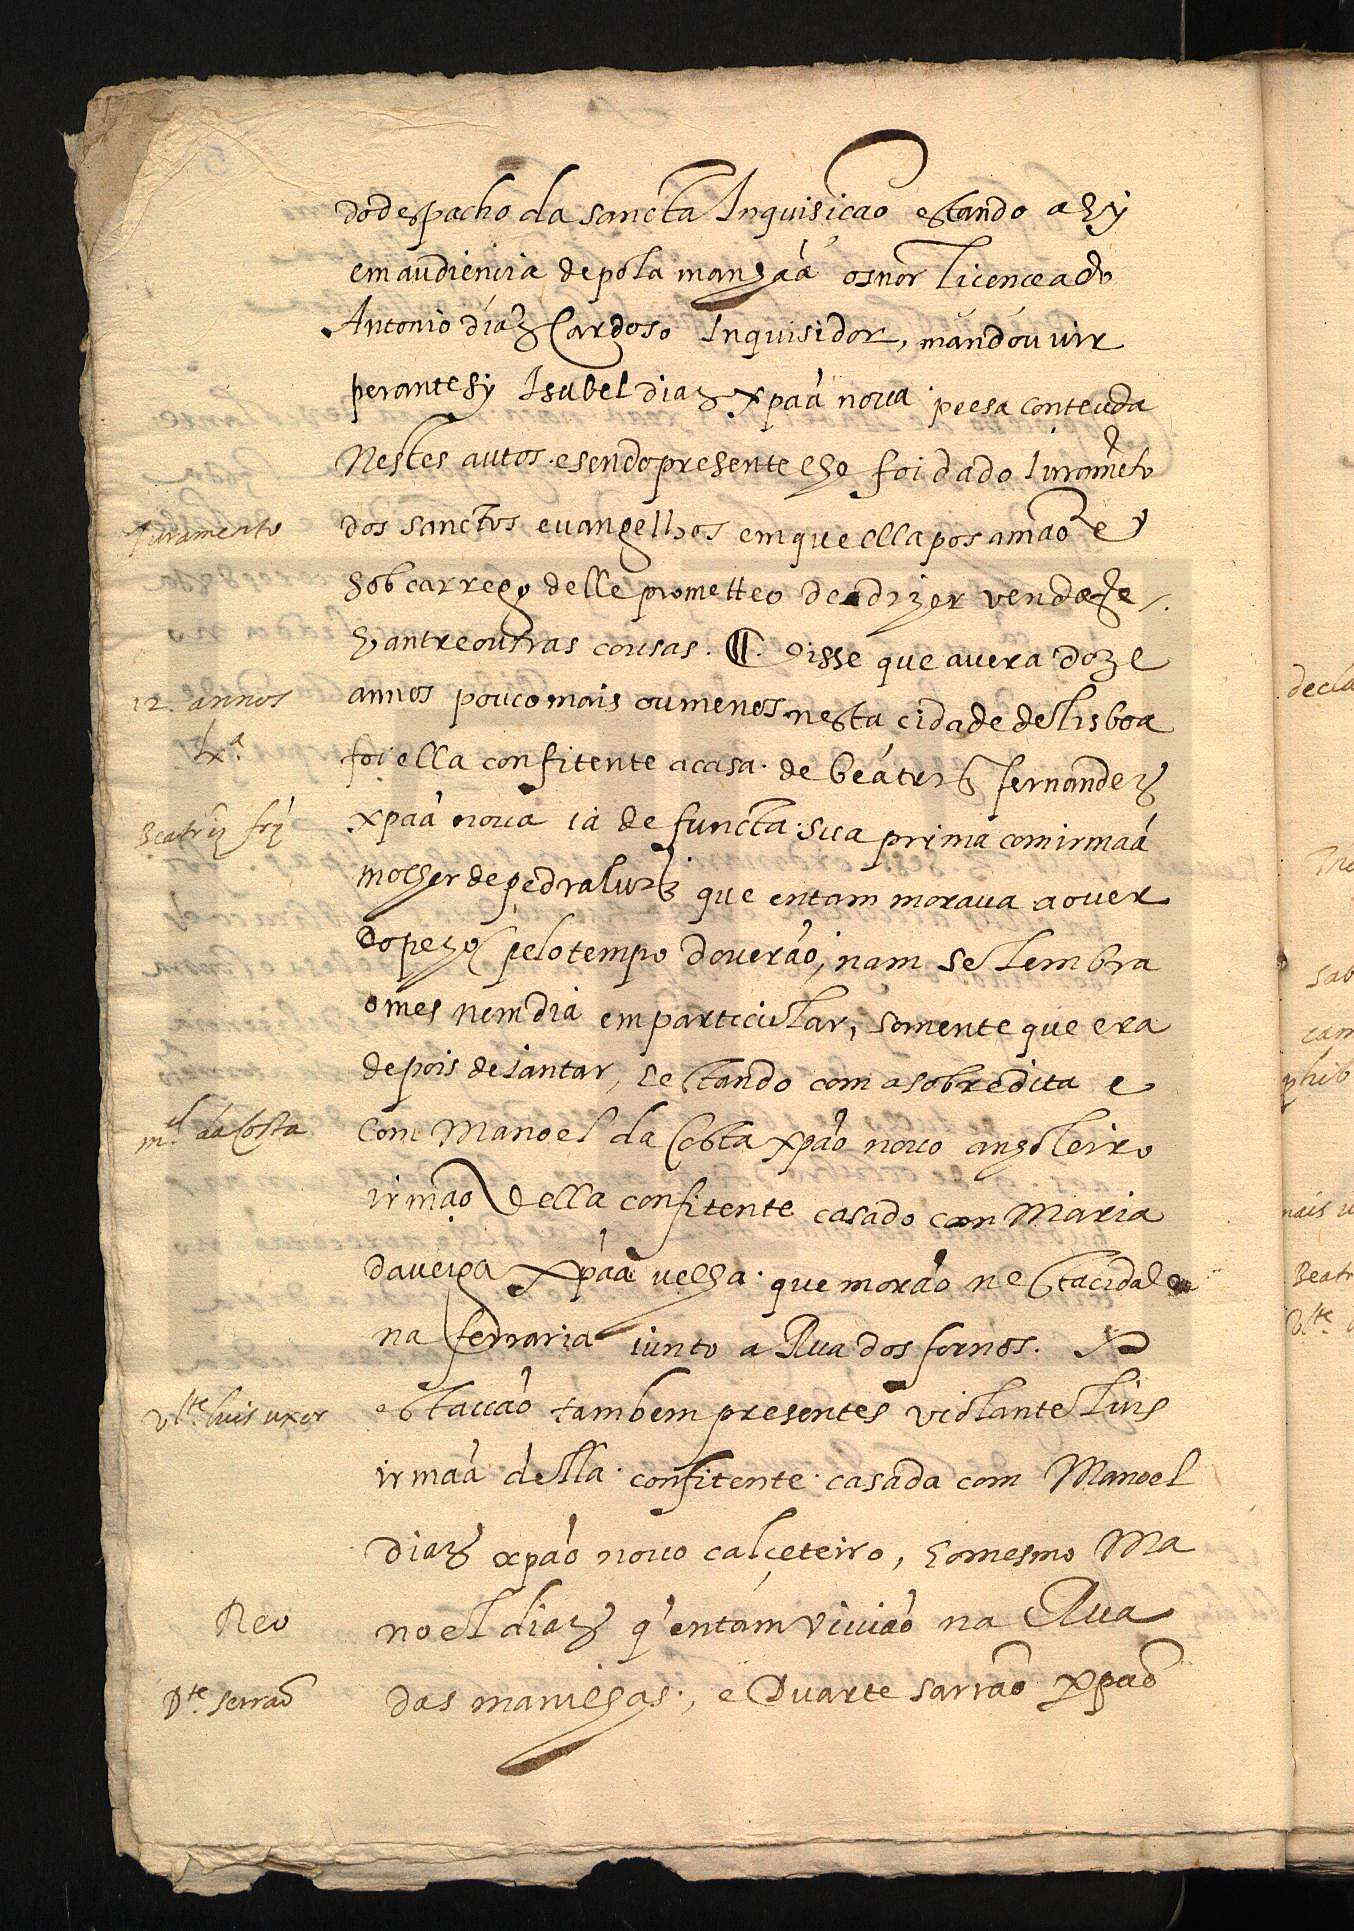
do despacho da sancta Inquisição estando ahy
em audiençia de pola manhaā o snōr Liçençeado
Antonio diaz Cardoso Inquisidor, mandou uir
perante sy Isabel dias xpaā noua presa conteuda
nestes autos. e sendo presente lhe foi dado Iuramēto
dos sanctos euangelhos em que ella pos a mão e
sob carrego delle prometteo de dizer verdade/
E antre outras cousas. ¶ disse que auera doze
annos pouco mais ou menos nesta cidade de lisboa
foi ella confitente a casa. de beatriz fernandez
xpaā noua ia defuncta sua prima com irmaā
molher de pedralur̄z que entam moraua ao uer
do pezo (pelo tempo do uerão, nam se lembra
o mes nem dia em particular, somente que era
depois de iantar, E estando com a sobredita e
com Manoel da Costa xpão nouo anzoleiro
irmão della confitente casado com Maria
da ueiga Xpāa uelha. que morão nesta cidade
na ferraria iunto a Rua dos fornos. e
estauaõ tambem presentes violante luis
irmaā della. confitente. casada com Manoel
diaz xpão nouo calçeteiro, E o mesmo Ma
noel diaz q̄ entam viuiaõ na Rua
das manilhas, e Duarte sarrão xpaõ
